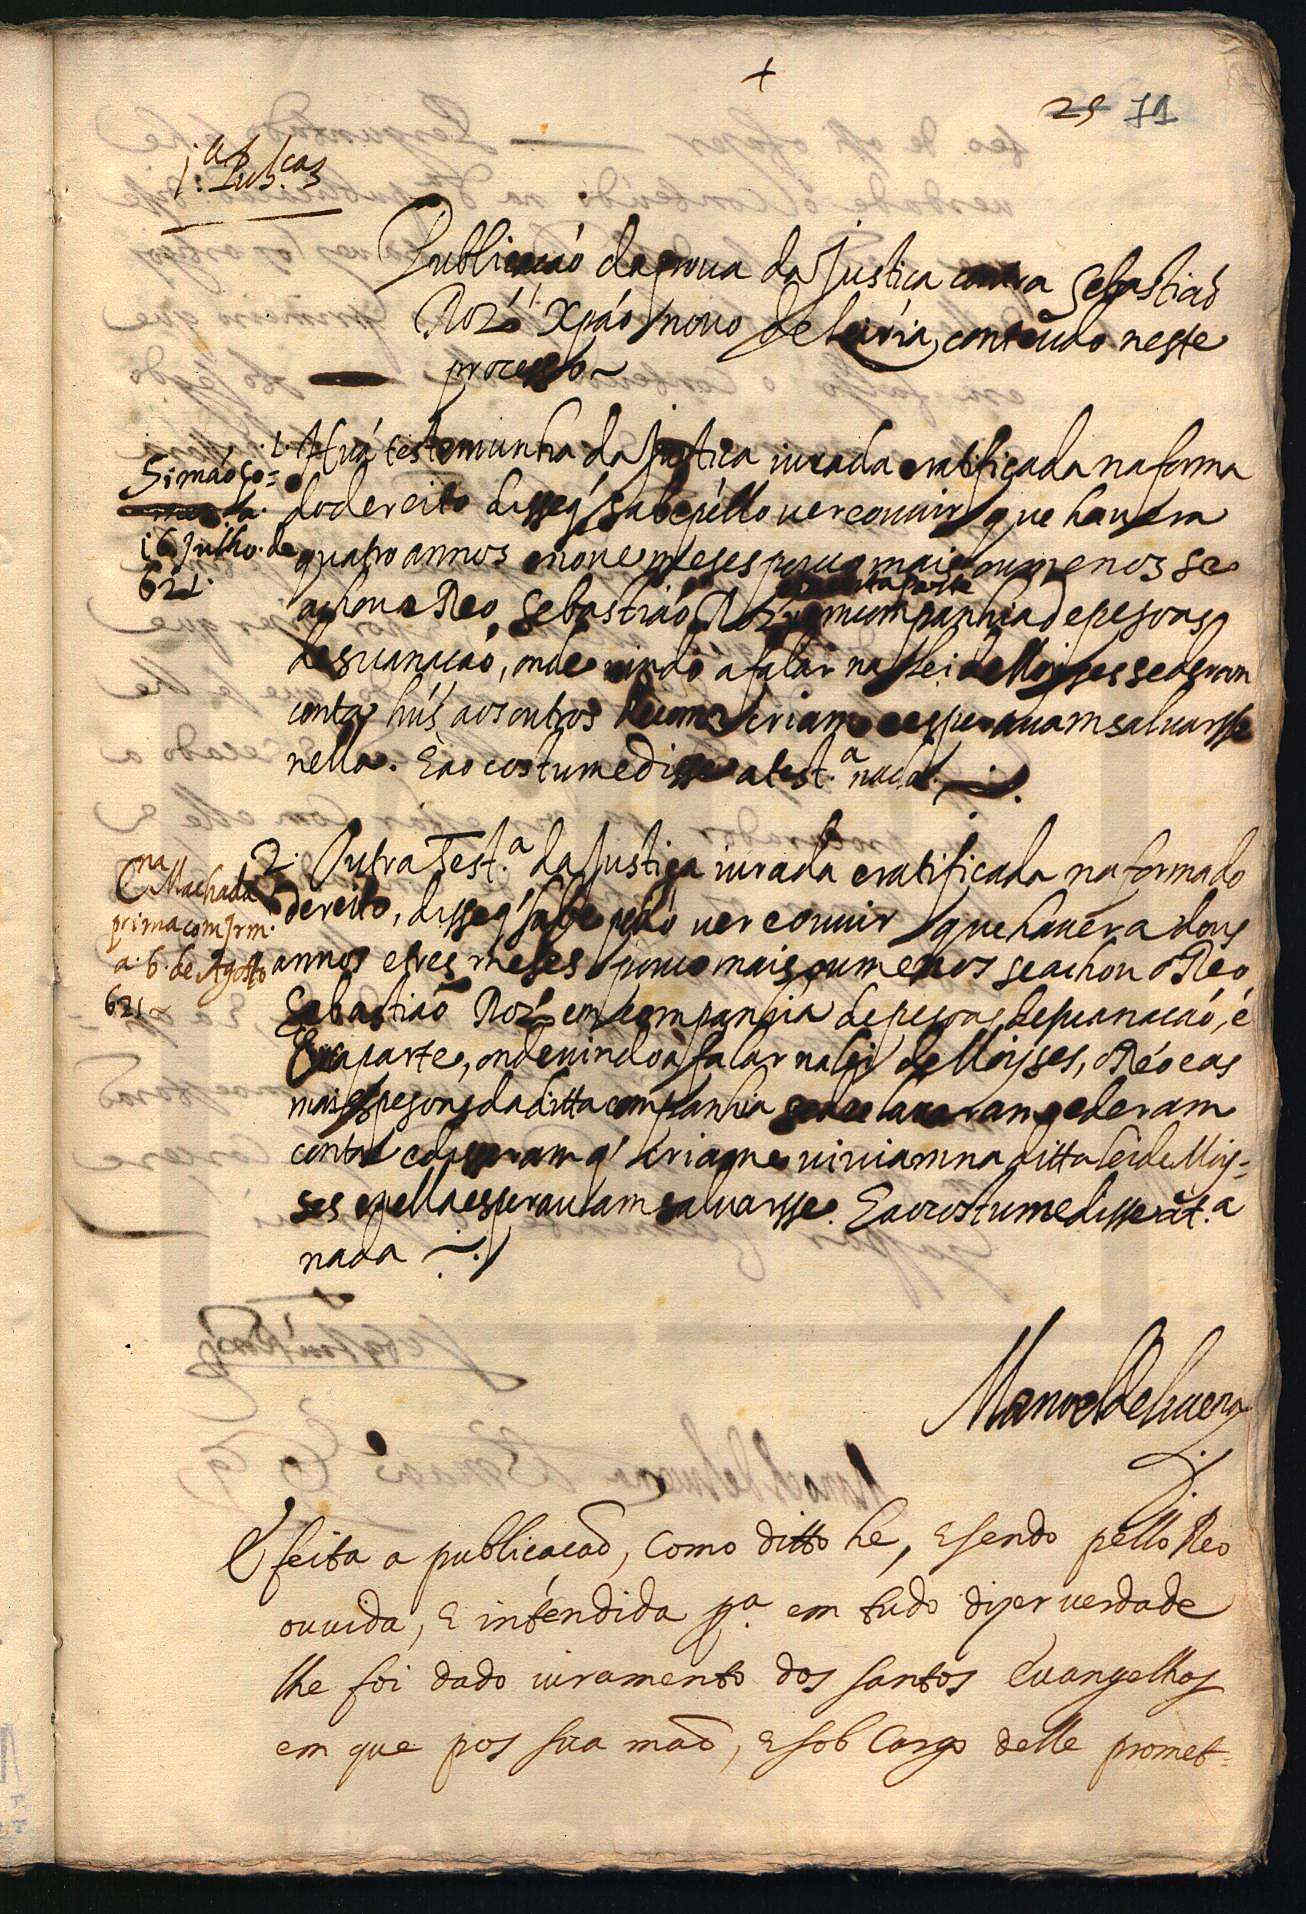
i.a Pub.caz
Publicaçaõ da proua da Justiça contra Sebastiaõ
Roz̄ Xpaõ nouo de Leiria conteudo neste
processo
.1. Huā testemunha da Justiça iurada e ratificada na forma
Simaõ go
me_ ta.
i6 Julho. de
621.
do dereito disse q̄ sabe pello uer e ouuir que hauera
quatro annos e noue meses pouco mais ou menos se
achou o Reo sebastiaõ Roz̄ em companhia de pesoas
_ta parte
de sua naçaõ, onde uindo a falar na Lei de Moyses se deram
conta hūs aos outros de como seriam e esperauam saluarsse
nella. E ao costume disse a test.a nada.
2. Outra Test.a da Justiça iurada e ratificada na forma do
Cna Machada
prima com Jrm.
a .6. de Agosto
621
dereito, disse q̄ sabe per o uer e ouuir que hauera dous
annos e tres meses pouco mais ou menos se achou o Reo
Sebastiaõ Roz̄ em companhia de pesoas de sua naçaõ, ē
_ta parte, onde uindo a falar na lei de Moyses, o Reo e as
mais pesoas da ditta companhia se declararam e deram
conta_ e disseram q̄ criam e uiuiam na ditta lei de Moy
ses e nella esperauam saluarsse. E ao costume disse a t.a
nada
E feita a publicação, como ditto he, E sendo pello Reo
ouuida, E intendida ꝑa. em tudo dizer uerdade
lhe foi dado iuramento dos santos euangelhos
em que pos sua mão, E sob cargo delle promet
